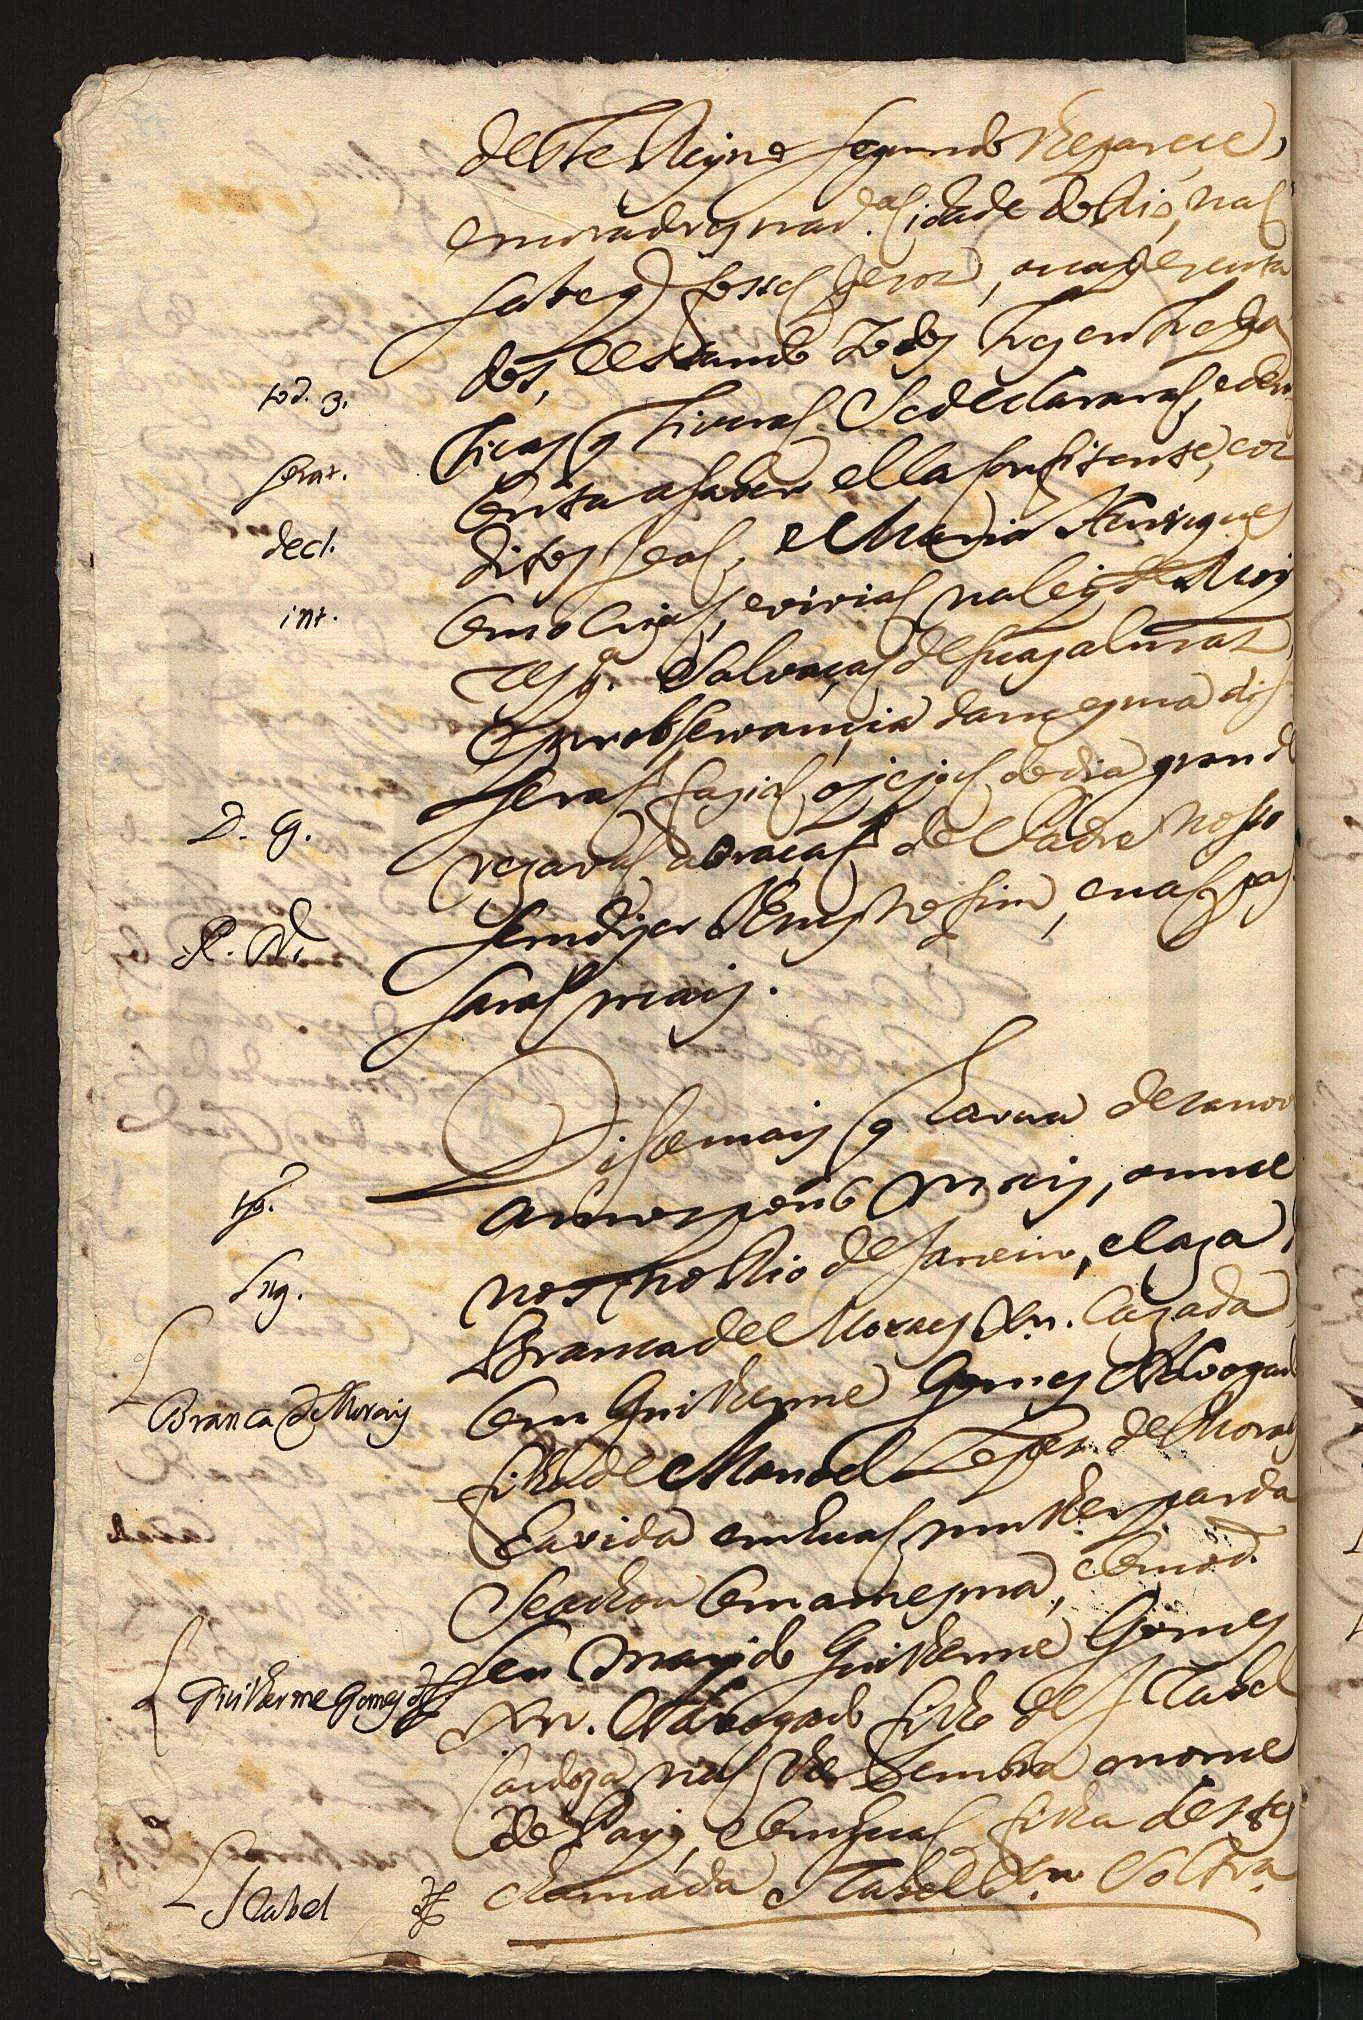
deste Reyno segundo lhe parece,
e moradres na d.a Cidade do Rio, nā
sabe q̄ fossē pRezoz, ou apresenta
tod. 3.
dos, e estando todos tres entre pRa
prat.
ticas q̄ tiverā se declararā e der
decl.
Conta a saber ella Confitente, e os
ditos Joā, e Maria Henriques
int.
Como Criā, e viviā na lej de Moy
zes p.a Salvaçā de suas almaz,
E por observancia da mesma dis
serā faziā o jejū do dia grande
D. G.
rezavā a oraçā do Padre nosso
sem dizer IEsus no fim, e nā pas
P. N.
sarā mais.
Disse mais q̄ havera dezanov
tp.
annos pouo mais, ou me
nos no Rio de Janeiro, e caza
Lug.
Branca de Morais x.n. cazada
Branca de Morais
Com Guilherme Gomes Advogad
filho de Manoel Lopez de Moraes
havida em hū mulher parda
se achou Com a mesma Com o d.
seu marido Guilherme Gomes
x.n Advogado filho de Jzabel
Guilherme Gomes d̄
Cardoza nā lhe Lembra o nome
de Pay, e Com huā filha destes
chamada Izabel X.n Soltr.a
L Izabel
